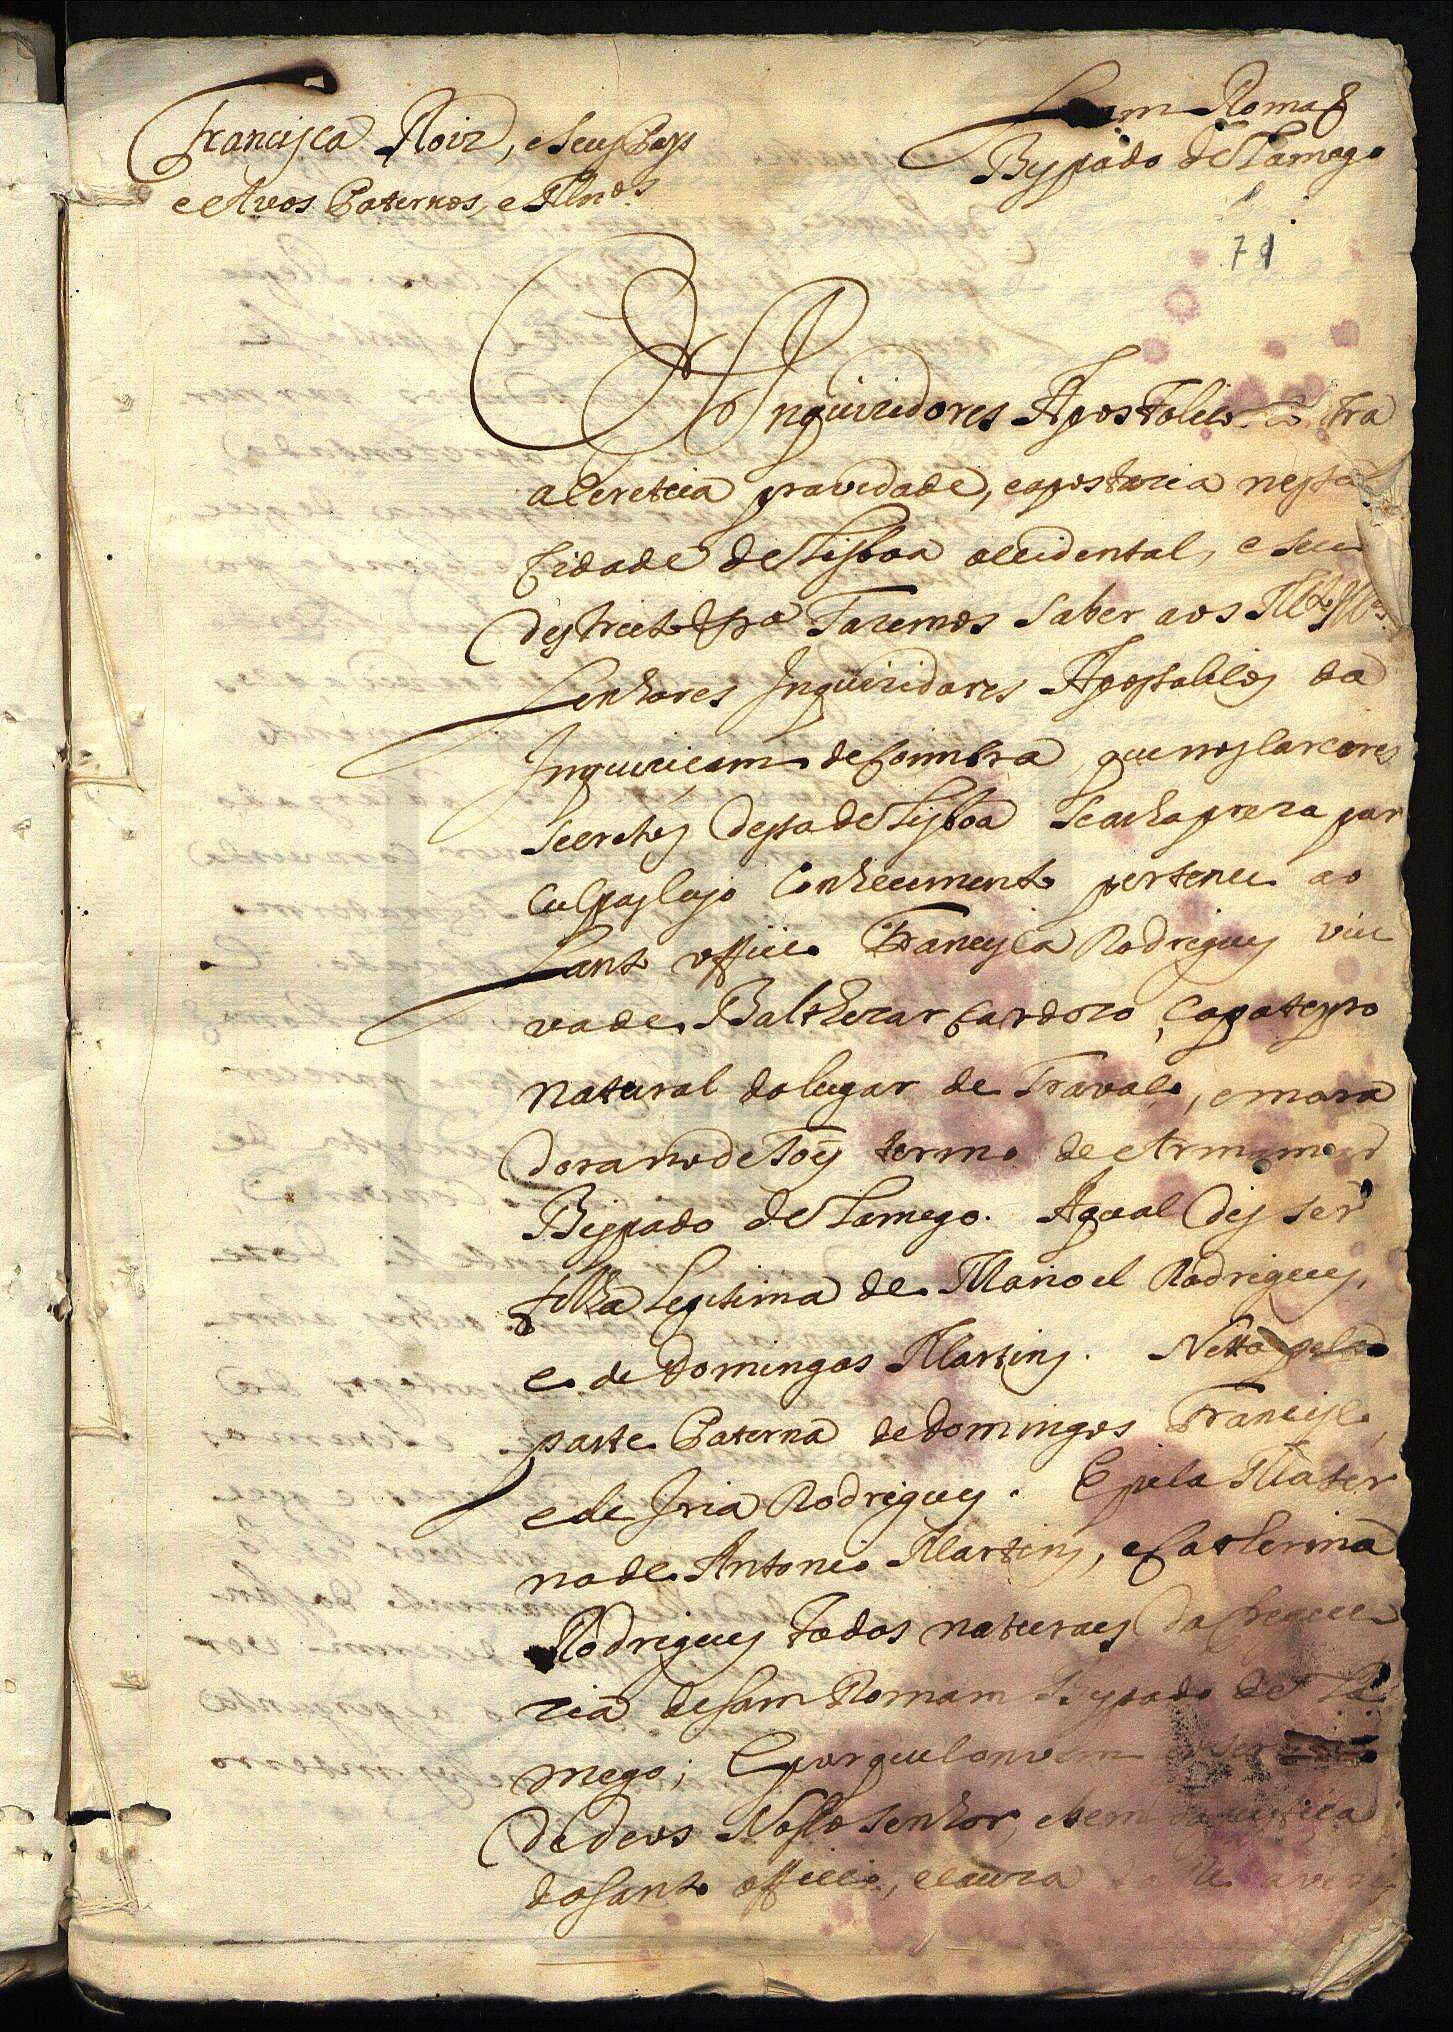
Francisca Roiz̄, e Seus Pays
e Avos Paternos, e Mn.os
S_m Romaõ
Bispado de Lamego
OS Inquizidores Apostolico_ Co_tra
a heretica pravidade, e apostazia nesta
Cidade de Lisboa occidental, e seu
destricto &a Fazemos saber aos Mto. Illes.
Senhores Jnquizidores Apostolicos da
Jnquiziçam de Coimbra, que nos carceres
secretos desta de Lisboa se acha preza por
culpas cujo conhecimento pertence ao
Santo officio Francisca Rodrigues viu
va de Balthezar Cardozo çapateyro
natural do lugar de Travaço, e mora
dora no de Toẽs termo de Armamar
Bispado de Lamego. A qual dis ser
filha Legitima de Manoel Rodrigues,
e de Domingas Martins. Netta pela
parte Paterna de Domingos Francisco,
e de Jria Rodrigues. E pela Mater
na de Antonio Martins, e Catherina
Rodrigues todos naturaes da fregue
zia de sam Romam Bispado de La
mego; E porque convem ao ser_
de deos Nosso senhor, e bem da justiça
do santo officio, e cauza da Re averi_
